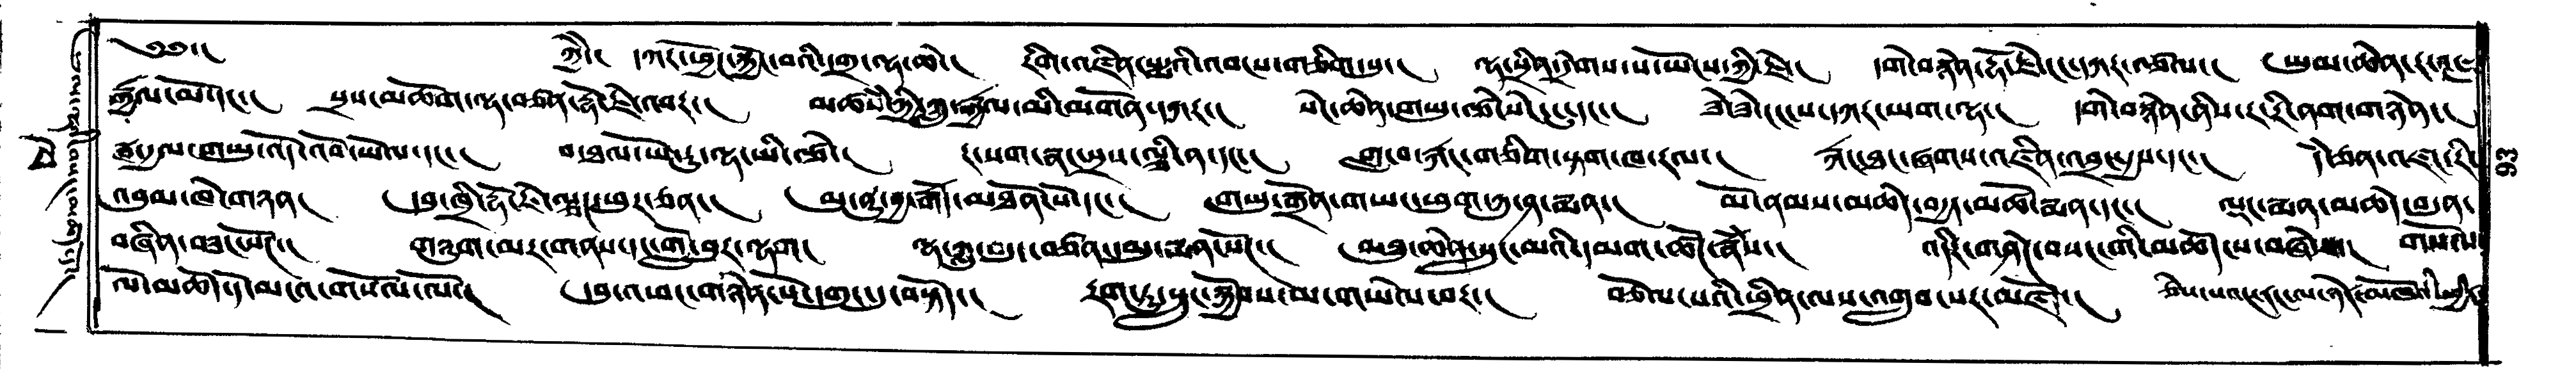ཀྱཻ། དཀར་ཕྱོགས་སྐྱོང་བའི་དགྲ་ལྷ་ཆེ། །རིག་འཛིན་པདྨའི་འབངས་གཅིག་པུ། །ལྷ་སྲིན་དྲེགས་པ་ཡོངས་ཀྱི་རྗེ། །དགེ་བསྙེན་རྡོ་རྗེ་ངང་དཀརརྩལ། །ཡུམ་ཆེན་ར་འཇུ་
རྒྱལ་མོ་དང་། །སྲས་མཆོག་ལྷ་བཙན་རྡོ་རྗེ་འབར། །མཚམས་ཀྱི་ཀླུ་རྒྱལ་མི་མགོན་དཀར། །སེང་ཆེན་གཡུ་རྩེ་སེང་ངུ་དང་། །ཟེ་ཟེ་ངང་པ་དཀར་ཡག་ལྷ། །དགེ་བསྙེན་ནིས་ར་རི་ནག་གཉེན། །
ཝ་རྒྱལ་གཡུ་འོད་འབོ་ཡོལ་དང་། །བ་ཐལ་ཡོ་རུ་ལྷ་ཡི་རྩེ། །ར་སག་སྣང་སྲས་ལྕི་ན་དང་། །གླ་བ་རྐང་གཅིག་སྟག་ཁ་རལ། །རྐང་ཐང་ཞགས་འཛིན་འབྲང་རྒྱས་དང་། །དམ་ཅན་འཛང་རི་
འབུམ་ཁེ་གཉན། །དབུ་ཁྲི་རྡོ་རྗེ་ལྕགས་ཕུར་ཅན། །མུ་ནུ་བྱ་རྒོད་མཐོན་པོ་དང་། །གཡུ་སྒོན་གཡང་ཕུག་ཀུ་ཤ་སྨན། །མོ་སྨན་མཆེད་བརྒྱད་མཚོ་སྨན་དང་། །ལྡང་སྨན་མཆེད་བདུན་
བཞིན་བཟང་སོགས། །གཉུག་མར་གནས་དང་གློ་བུར་ལྷགས། །ལྷ་ཀླུ་བདུད་བཙན་དམུ་སྨན་སོགས། །མཐུ་ཆེན་སྲུང་མའི་དམག་ཚོགས་རྣམས། །འདིར་གཤེགས་བསང་གི་མཆོད་པ་བཞེས། །གསོལ་
ལོ་མཆོད་དོ་མངའ་གསོལ་ལོ།། དབུ་འཕང་གཉེན་པོ་དགུང་དུ་བསྟོད། །རྟག་ཏུ་སྲུང་སྐྱོབ་མ་གཡེལ་བར། །བཅོལ་པའི་ཕྲིན་ལས་འགྲུབ་པར་མཛོད། ། ཅེས་པའང་རང་ལ་ཉེར་མཁོའི་ཕྱིར་